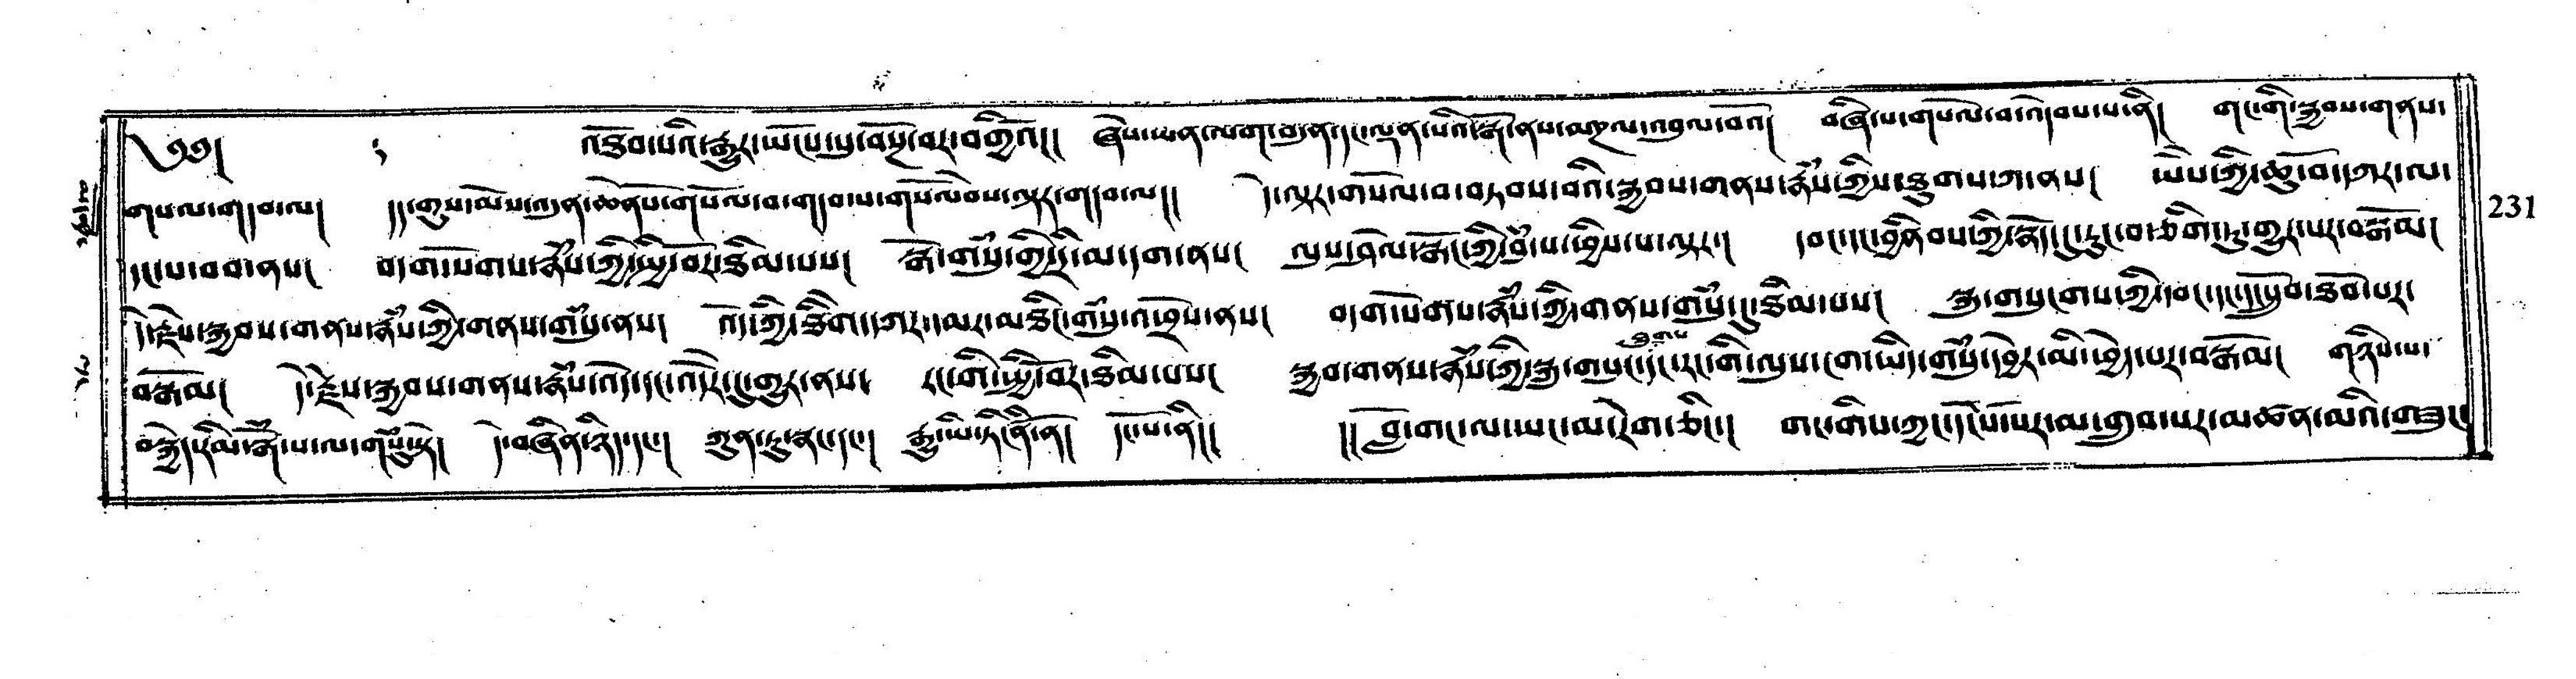འཐོབ་པའི་རྒྱུར་ཡོངས་སུ་བསྔོ་བར་བགྱིའོ།། ཞེས་ཡན་ལག་བདུན་དང་ལྡན་པའི་སྒོ་ནས་མནྜལ་འབུལ་བའོ། བཞི་པ་གསོལ་བ་འདེབས་པ་ནི། གང་གི་སྐྱབས་གནས་
གསལ་གདབ་ལ། དད་གུས་མོས་འདུན་ཆེན་པོས་གསོལ་བ་གདབ་པ་གསོལ་འདེབས་ལྟར་གདབ་ལ།། དེ་ལྟར་གསོལ་བ་བཏབས་བའི་སྐྱབས་གནས་རྣམས་ཀྱིས་ཐུགས་ཀ་ནས། ཡེ་ཤེས་ཀྱི་ཆུ་བོ་དཀར་ལ་
དང་པ་བབ་ནས། བདག་སོགས་རྣམས་ཀྱི་སྤྱི་བོར་ཐིམ་པས། སྒོ་གསུམ་གྱི་དྲི་མ་དག་ནས། ལུས་ཤེལ་སྒོང་གྱི་བུམ་པ་ཕྱིས་པ་ལྟར། དབང་དང་བྱིན་རླབས་ཀྱི་སྣོད་དུ་རུང་བ་ཅིག་ཏུ་གྱུར་པར་བསྒོམ། 
དེ་རྗེས་སྐྱབས་གནས་རྣམས་ཀྱི་གནས་གསུམ་ནས། འོད་ཀྱི་ཐིག་ལེ་དཀར་དམར་མཐིང་གསུམ་འཕྲོས་ནས། བདག་སོགས་རྣམས་ཀྱི་གནས་གསུམ་དུ་ཐིམ་པས། སྐུ་གསུང་ཐུགས་ཀྱི་དབང་དང་དངོས་གྲུབ་ཐོབ་པར་
བསྒོམ། དེ་རྗེས་སྐྱབས་གནས་རྣམས་འོད་དང་འོད་ཟེར་དུ་གྱུར་ནས། རང་གི་སྤྱི་བོར་ཐིམ་པས། སྐྱབས་གནས་རྣམས་ཀྱི་སྐུ་གསུང་ཐུགས་དང་རང་གི་ལུས་ངག་ཡིད་གསུམ་དབྱེར་མི་ཕྱེད་པར་བསྒོམ། གཉིས་པ་
བསྐྱེད་རིམ་སྒོམ་པ་ལ་གསུམ་སྟེ། དེ་བཞིན་ཉིད་དང་། ཀུན་ཏུ་སྣང་དང་། རྒྱུ་ཡི་ཏིང་འཛིན་ནོ།དང་པོ་ནི།། །།བློ་གང་ལ་ཡང་མ་རེག་ཅིང་། གང་གིས་ཀྱང་དངོས་པོར་མ་གྲུབ་པར་མཚན་མའི་གཟུང་